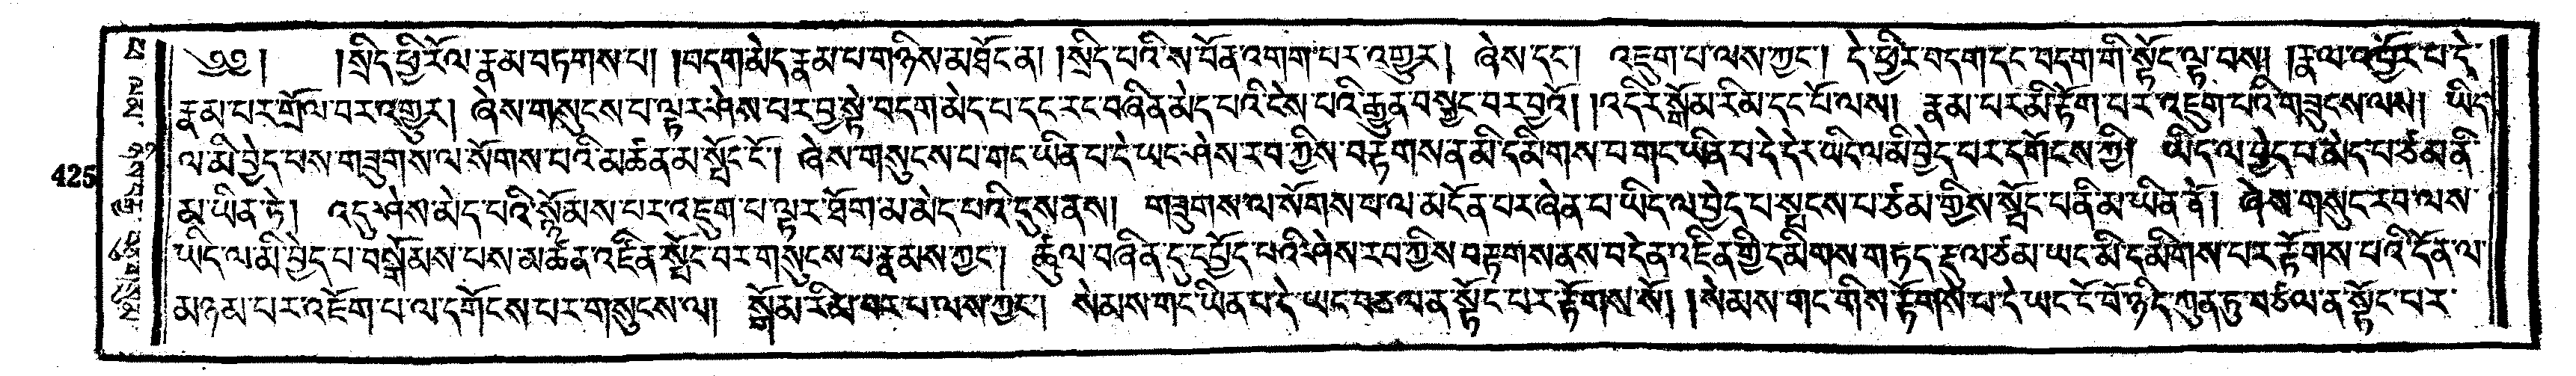༄༅། །སྲིད་ཕྱི་རོལ་རྣམ་བཏགས་པ། །བདག་མེད་རྣམ་པ་གཉིས་མཐོང་ན། །སྲིད་པའི་ས་བོན་འགག་པར་འགྱུར། ཞེས་དང་། འཇུག་པ་ལས་ཀྱང་། དེ་ཕྱིར་བདག་དང་བདག་གི་སྟོང་ལྟ་བས། །རྣལ་འབྱོར་བ་དེ་
རྣམ་པར་གྲོལ་བར་འགྱུར། ཞེས་གསུངས་པ་ལྟར་ཤེས་པར་བྱ་སྟེ་བདག་མེད་པ་དང་རང་བཞིན་མེད་པའི་ངེས་པའི་རྒྱུན་བསྐྱང་བར་བྱའོ། །འདིར་སྒོམ་རིམ་དང་པོ་ལས། རྣམ་པར་མི་རྟོག་པར་འཇུག་པའི་གཟུངས་ལས། ཡིད་
ལ་མི་བྱེད་པས་གཟུགས་ལ་སོགས་པའི་མཚན་མ་སྤོང་ངོ། ཞེས་གསུངས་པ་གང་ཡིན་པ་དེ་ཡང་ཤེས་རབ་ཀྱིས་བརྟགས་ན་མི་དམིགས་པ་གང་ཡིན་པ་དེ་དེར་ཡིང་ལ་མི་བྱེད་པར་དགོངས་ཀྱི། ཡིད་ལ་བྱེད་པ་མེད་པ་ཙམ་ནི་
མ་ཡིན་ཏེ། འདུ་ཤེས་མེད་པའི་སྙོམས་པར་འཇུག་པ་ལྟར་ཐོག་མ་མེད་པའི་དུས་ནས། གཟུགས་ལ་སོགས་པ་ལ་མངོན་པར་ཞེན་པ་ཡིད་ལ་བྱེད་པ་སྤངས་པ་ཙམ་གྱིས་སྤོང་པ་ནི་མ་ཡིན་ནོ། ཞེས་གསུང་རབ་ལས་
ཡིད་ལ་མི་བྱེད་པ་བསྒོམས་པས་མཚན་འཛིན་སྤོང་པར་གསུངས་པ་རྣམས་ཀྱང་། ཚུལ་བཞིན་དུ་དཔྱོད་པའི་ཤེས་རབ་ཀྱིས་བརྟགས་ནས་བདེན་འཛིན་གྱི་དམིགས་གཏད་རྡུལ་ཙམ་ཡང་མི་དམིགས་པར་རྟོགས་པའི་དོན་ལ་
མཉམ་པར་འཇོག་པ་ལ་དགོངས་པར་གསུངས་ལ། སྒོམ་རིམ་བར་པ་ལས་ཀྱང་། སེམས་གང་ཡིན་པ་དེ་ཡང་བཅལ་ན་སྟོང་པར་རྟོགས་སོ། །སེམས་གང་གིས་རྟོགས་པ་དེ་ཡང་ངོ་བོ་ཉིད་ཀུན་ཏུ་བཙལ་ན་སྟོང་པར་